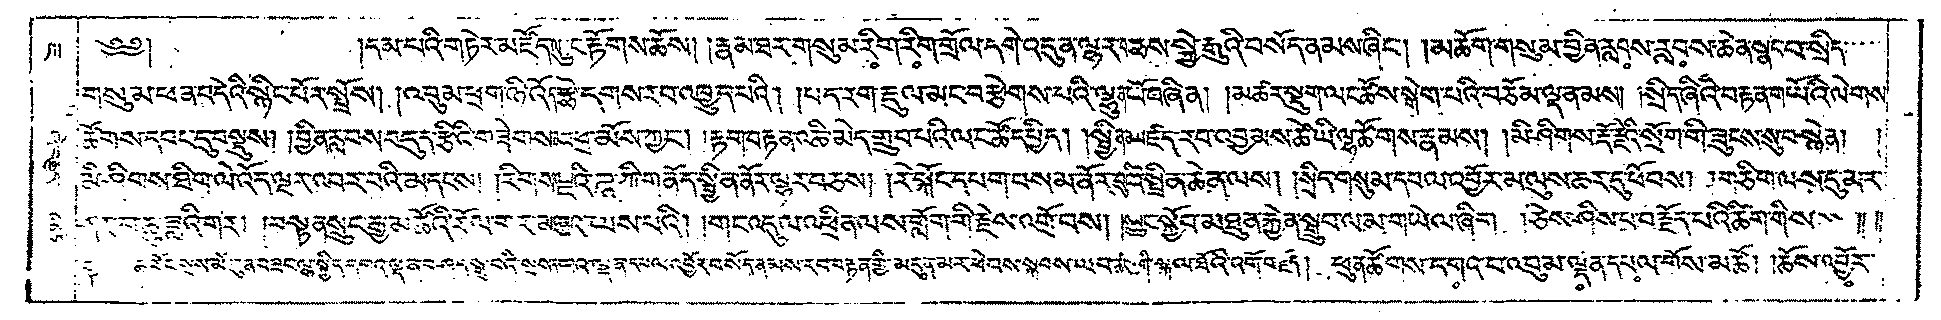༄༅། །དམ་པའི་གཏེར་མཛོད་ལུང་རྟོགས་ཆོས། །རྣམ་ཐར་གསུམ་རིག྾་རིག྾་གྲོལ་དགེ་འདུན་ལྷར་བཅས་སྐྱེ་རྒུའི་བསོད་ནམས་ཞིང་། །མཆོག་གསུམ་བྱིན་རླབས྾་རླབས྾་ཆེན་སྣང་བ་སྲིད་
གསུམ་ཕན་བདེའི་སྙིང་པོར་སྤྲོས། །འབུམ་ཕྲག་ཉི་འོད་རྩེ་དགས་རབ་འཁྱུད་པའི། །པད་རག་རྡུལ་མང་བརྩེགས་པའི་ལྷུན་པོ་བཞིན། །མཚར་སྡུག་ལང་ཚོས་སྒེག་པའི་བཅོམ་ལྡན་མས། །སྲིད་ཞིའི་བརྟན་གཡོའི་ལེགས་
ཚོགས་དབང་དུ་བསྡུས། །བྱིན་རླབས་བདུད་རྩིའི་གཟེགས་མ་ཕྲ་མོས་ཀྱང་། །རྟག་བརྟན་འཆི་མེད་གྲུབ་པའི་ལང་ཚོ་དཔྱིད། །སྦྱིན་མཛད་རབ་འབྱམས་ཚེ་ཡི་ལྷ་ཚོགས་རྣམས། །མི་ཤིགས་རྡོ་རྗེའི་སྲོག་གི་ཟུངས་སུ་བསྙེན། །
མི་ཤིགས་ཐིག་ལེ་འོད་ལྔར་འབར་བའི་མདངས། །རིགས་ལྔའི་ཌཱ་ཀི་གནོད་སྦྱིན་ནོར་ལྷར་བཅས། །རེ་སྐོང་དཔག་བསམ་ནོར་བུའི་སྤྲིན་ཆེན་ལས། །སྲིད་གསུམ་དཔལ་འབྱོར་མ་ལུས་ཆར་དུ་ཕོབས། །གཅིག་ལས་དུ་མར་
ཤར་བ་ཆུ་ཟླའི་གར། །བསྟན་སྲུང་རྒྱ་མཚོའི་རོལ་གར་མཐའ་ཡས་པའི། །གང་འདུལ་འཕྲིན་ལས་གློག་གི་རྗེས་འགྲོ་བས། །སྲུང་སྐྱོབ་མཐུན་རྐྱེན་སྒྲུབ་ལ་མ་གཡེལ་ཞིག །ཅེས་ཤིས་པ་བརྗོད་པའི་ཚིག་གིས་྾་྾་།། །།
༈ ཚ་རོང་སྲས་མོ་ཀུན་བཟང་ལྷ་སྐྱིད་དགའ་ལྡན་བཤད་སྒྲ་བའི་སྲས་དགའ་ལྡན་དཔལ་འབྱོར་བསོད་ནམས་རབ་བརྟན་གྱི་མདུན་མར་ཕེབས་སྐབས་ཡབ་ཚང་གི་སྐལ་ཐོའི་འགོ་བརྗོད།  ཕུན་ཚོགས་དགའ྾་བ་འབུམ་ལྡན྾་དཔལ྾་གོས་མཚོ། །ཆོས་འབྱོར྾་